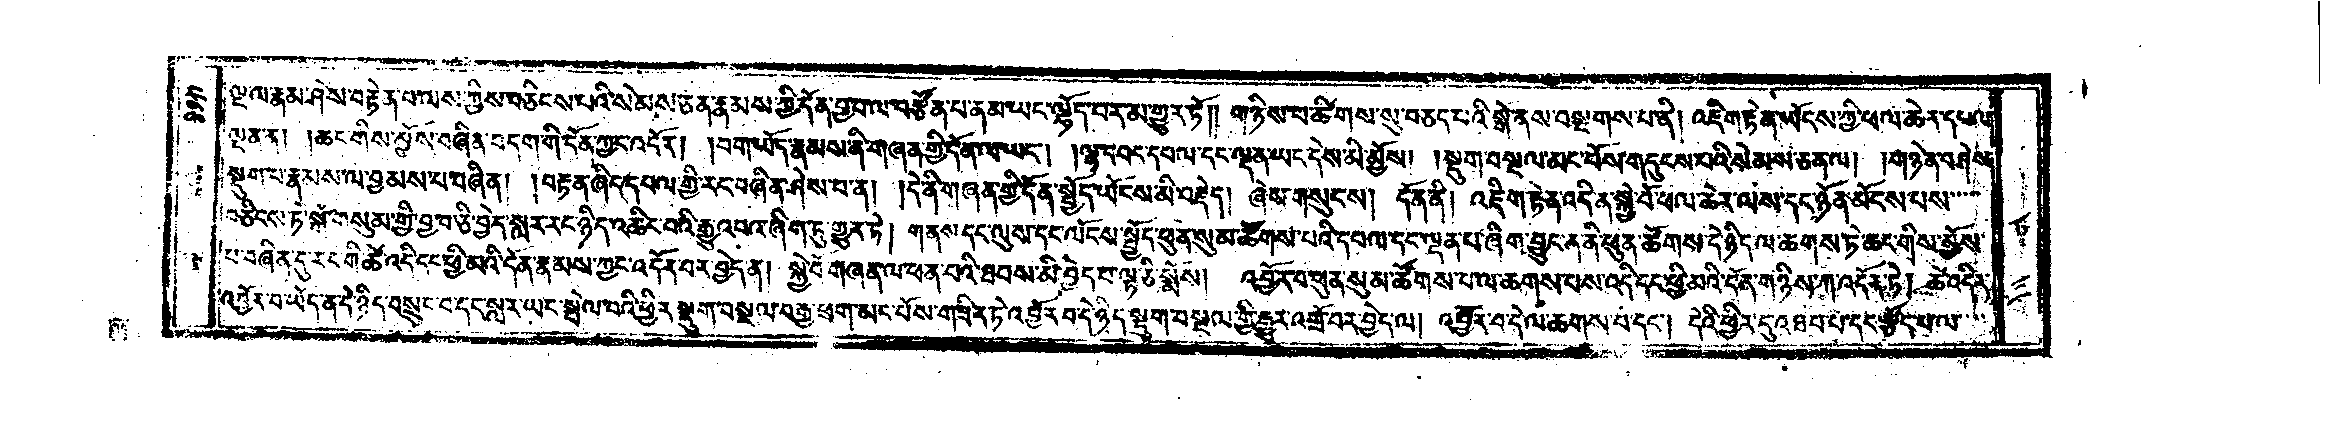ལྔ་ལ་རྣམ་ཤེས་བརྟེན་པ་ལས་ཀྱིས་བཅིངས་པའི་སེམས་ཅན་རྣམས་ཀྱི་དོན་བྱ་བ་ལ་བརྩོན་པ་ནམ་ཡང་ལྷོད་པར་མ་གྱུར་ཏོ།། གཉིས་པ་ཚིགས་སུ་བཅད་པའི་སྒོ་ནས་བསྔགས་པ་ནི། འཇིག་རྟེན་ཡོངས་ཀྱི་ཕལ་ཆེར་དཔལ་
ལྡན་ན། །ཆང་གིས་མྱོས་བཞིན་བདག་གི་དོན་ཀྱང་འདོར། །བག་ཡོད་རྣམས་ནི་གཞན་གྱི་དོན་ལ་ཡང་། །ལྷ་དབང་དཔལ་དང་ལྡན་ཡང་དེས་མི་མྱོས། །སྡུག་བསྔལ་མང་པོས་གདུངས་པའི་སེམས་ཅན་ལ། །གཉེན་བཤེས་
སྡུག་པ་རྣམས་ལ་བྱམས་པ་བཞིན། །བརྟན་ཞིང་དཔལ་གྱི་རང་བཞིན་ཤེས་པ་ན། །དེ་ནི་གཞན་གྱི་དོན་སྤྱོད་ཡོངས་མི་བརྗེད། ཞེས་གསུངས། དོན་ནི། འཇིག་རྟེན་འདི་ན་སྐྱེ་བོ་ཕལ་ཆེར་ལས་དང་ཉོན་མོངས་པས་
བཅིངས་ཏེ་སྒོ་གསུམ་གྱི་བྱ་བ་ཅི་བྱེད་སླར་རང་ཉིད་འཆིང་བའི་རྒྱུ་འབའ་ཞིག་ཏུ་གྱུར་ཏེ། གནས་དང་ལུས་དང་ལོངས་སྤྱོད་ཕུན་སུམ་ཚོགས་པའི་དཔལ་དང་ལྡན་པ་ཞིག་བྱུང་ན་ནི་ཕུན་ཚོགས་དེ་ཉིད་ལ་ཆགས་ཏེ་ཆང་གིས་མྱོས་
པ་བཞིན་དུ་རང་གི་ཚེ་འདི་དང་ཕྱི་མའི་དོན་རྣམས་ཀྱང་འདོར་བར་བྱེད་ན། སྐྱེ་བོ་གཞན་ལ་ཕན་པའི་ཐབས་མི་བྱེད་པ་ལྟ་ཅི་སྨོས། འབྱོར་བ་ཕུན་སུམ་ཚོགས་པ་ལ་ཆགས་པས་འདི་དང་ཕྱི་མའི་དོན་གཉིས་ཀ་འདོར་ཏེ། ཚེ་འདིར་
འབྱོར་བ་ཡོད་ན་དེ་ཉིད་བསྲུང་བ་དང་སླར་ཡང་སྤེལ་བའི་ཕྱིར་སྡུག་བསྔལ་བརྒྱ་ཕྲག་མང་པོས་གཟིར་ཏེ་འབྱོར་བ་དེ་ཉིད་སྡུག་བསྔལ་གྱི་རྒྱུར་འགྲོ་བར་བྱེད་ལ། འབྱོར་བ་དེ་ལ་ཆགས་པ་དང་། དེའི་ཕྱིར་དུ་འཐབ་པ་དང་རྩོད་པ་ལ་